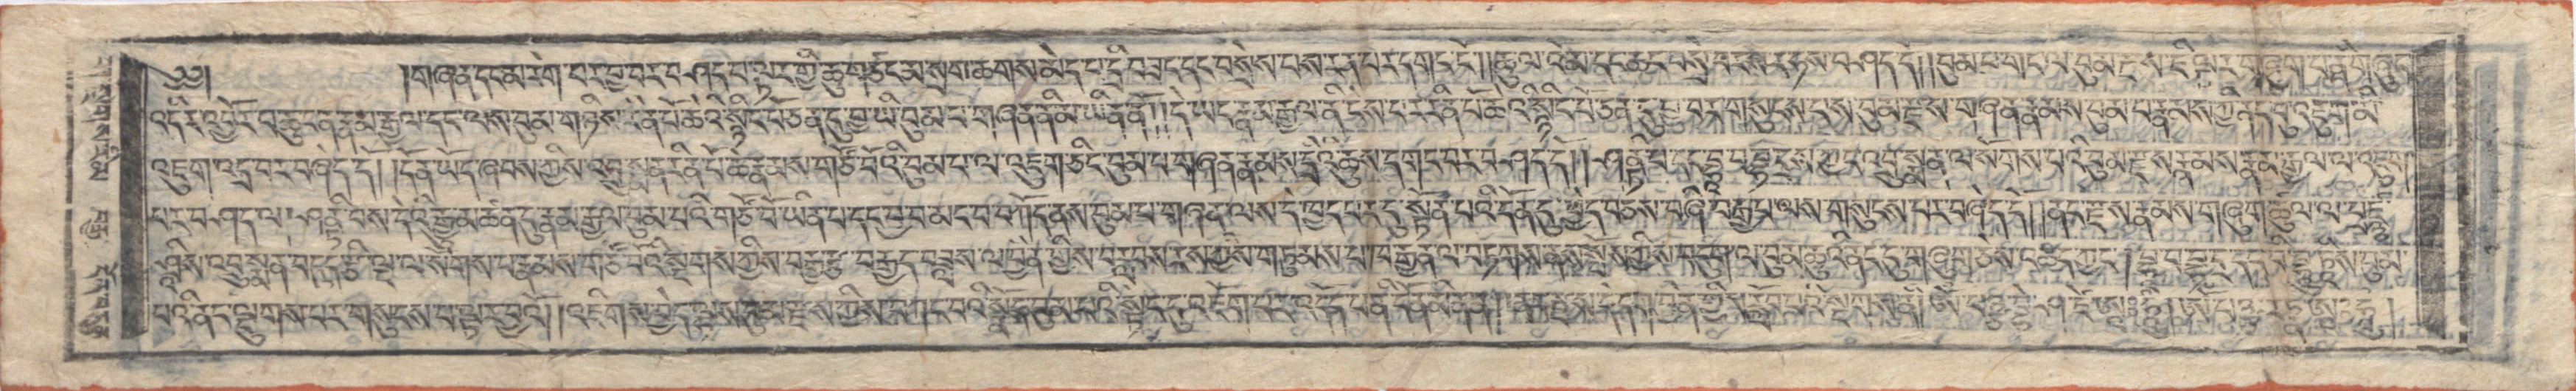༄༅། །གཞན་དང་མ་རེག་པར་བྱ་བར་བཤད་པ་ལྟར་གྱི་ཆུ་གཙང་མ་སྲག་ཆགས་མེད་པ་དྲི་བཟང་དང་བསྲེས་པས་རན་པར་དགང་ངོ། །ཆུ་ལ་འོ་མ་དང་ཆང་བསྲེ་བར་ས་ར་ཧས་བཤད་དོ། །བུམ་པ་གང་ལ་བུམ་རྫས་ཇི་ལྟར་གཞུག་པ་ནི་གཞུང་
འདིར་འབྱོར་པ་ཆུང་ན་རྣམ་རྒྱལ་དང་ལས་བུམ་གཉིས་རིན་པོ་ཆེའི་སྙིང་པོ་ཅན་དུ་བྱ་ཡི་བུམ་པ་གཞན་ནི་མ་ཡིན་ནོ། །དེ་ཡང་རྣམ་རྒྱལ་ནི་ངེས་པར་རིན་པོ་ཆེའི་སྙིང་པོ་ཅན་དུ་བྱ་བར་གསུངས་པས་བུམ་རྫས་གཞན་རྣམས་བུམ་པ་རྣམས་ཀྱི་ནང་དུ་འཇུག་མི་
འཇུག་འདྲ་བར་བཞེད་དོ། །དོན་ཡོད་ཞབས་ཀྱིས་འབྲུ་སྨན་རིན་པོ་ཆེ་རྣམས་གཙོ་བོའི་བུམ་པ་ལ་འཇུག་ཅིང་བུམ་པ་གཞན་རྣམས་དྲིའི་ཆུས་དགང་བར་བཤད་དོ། །ཤནྟི་པ་དང་བྷཱ་བ་བྷ་དྲས་ཀྱང་འབྲུ་སྨན་ལ་སོགས་པའི་བུམ་རྫས་རྣམས་རྣམ་རྒྱལ་ལ་འཇུག་
པར་བཤད་ལ། ཤནྟི་པས་དེའི་རྒྱུ་མཚན་དུ་རྣམ་རྒྱལ་བུམ་པའི་གཙོ་བོ་ཡིན་པ་དང་བྱ་བ་མང་བ་བཀོད་ནས་བུམ་པ་གཞན་ལས་དེ་ཁྱད་པར་དུ་སྟོན་པའི་དོན་དུ་ཕྱེད་བཅས་བཞི་བརྒྱ་པ་ལས་གསུངས་པར་བཞེད་དོ། །ནང་རྫས་རྣམས་གཞུག་ཚུལ་ལ་པྲཛྙཱ་
ཤྲཱིས་འབྲུ་སྨན་བདུད་རྩི་ལྔ་ལ་སོགས་པ་རྣམས་གཙོ་བོའི་སྔགས་ཀྱིས་བརྒྱ་རྩ་བརྒྱད་བཟླས་ལ་བྱིན་གྱིས་བརླབས་རས་ཀྱིས་གཏུམས་པ་ཁ་རྒྱན་ལ་བཏགས་ནས་སྤོས་ཀྱིས་བདུག་ལ་བུམ་ཆུའི་ནང་དུ་གཞུག་ཅེས་འཆད་ཀྱང་། བྷཱ་བ་བྷ་དྲ་དང་པི་བྷཱུ་ཏཱིས་བུམ་
པའི་ནང་ལྡུགས་པར་གསུངས་པ་ལྟར་བྱའོ། །འཇིགས་བྱེད་ལྷས་བུམ་རྫས་ཀྱིས་བཀང་བའི་སྣོད་བུམ་པའི་སྟེང་དུ་འཇོག་པར་འདོད་པ་ནི་དོན་མིན་ན། །ནང་རྫས་དེ་དག་བྱིན་གྱིས་རློབ་པའི་སྔགས་ནི། ཨོཾ་པཉྩ་བྷེ་ཤ་ཛེ་ཨཱཿ ཧཱུཾ། ཨོཾ་པཉྩ་རཏྣ་ཨཱཿ ཧཱུཾ།